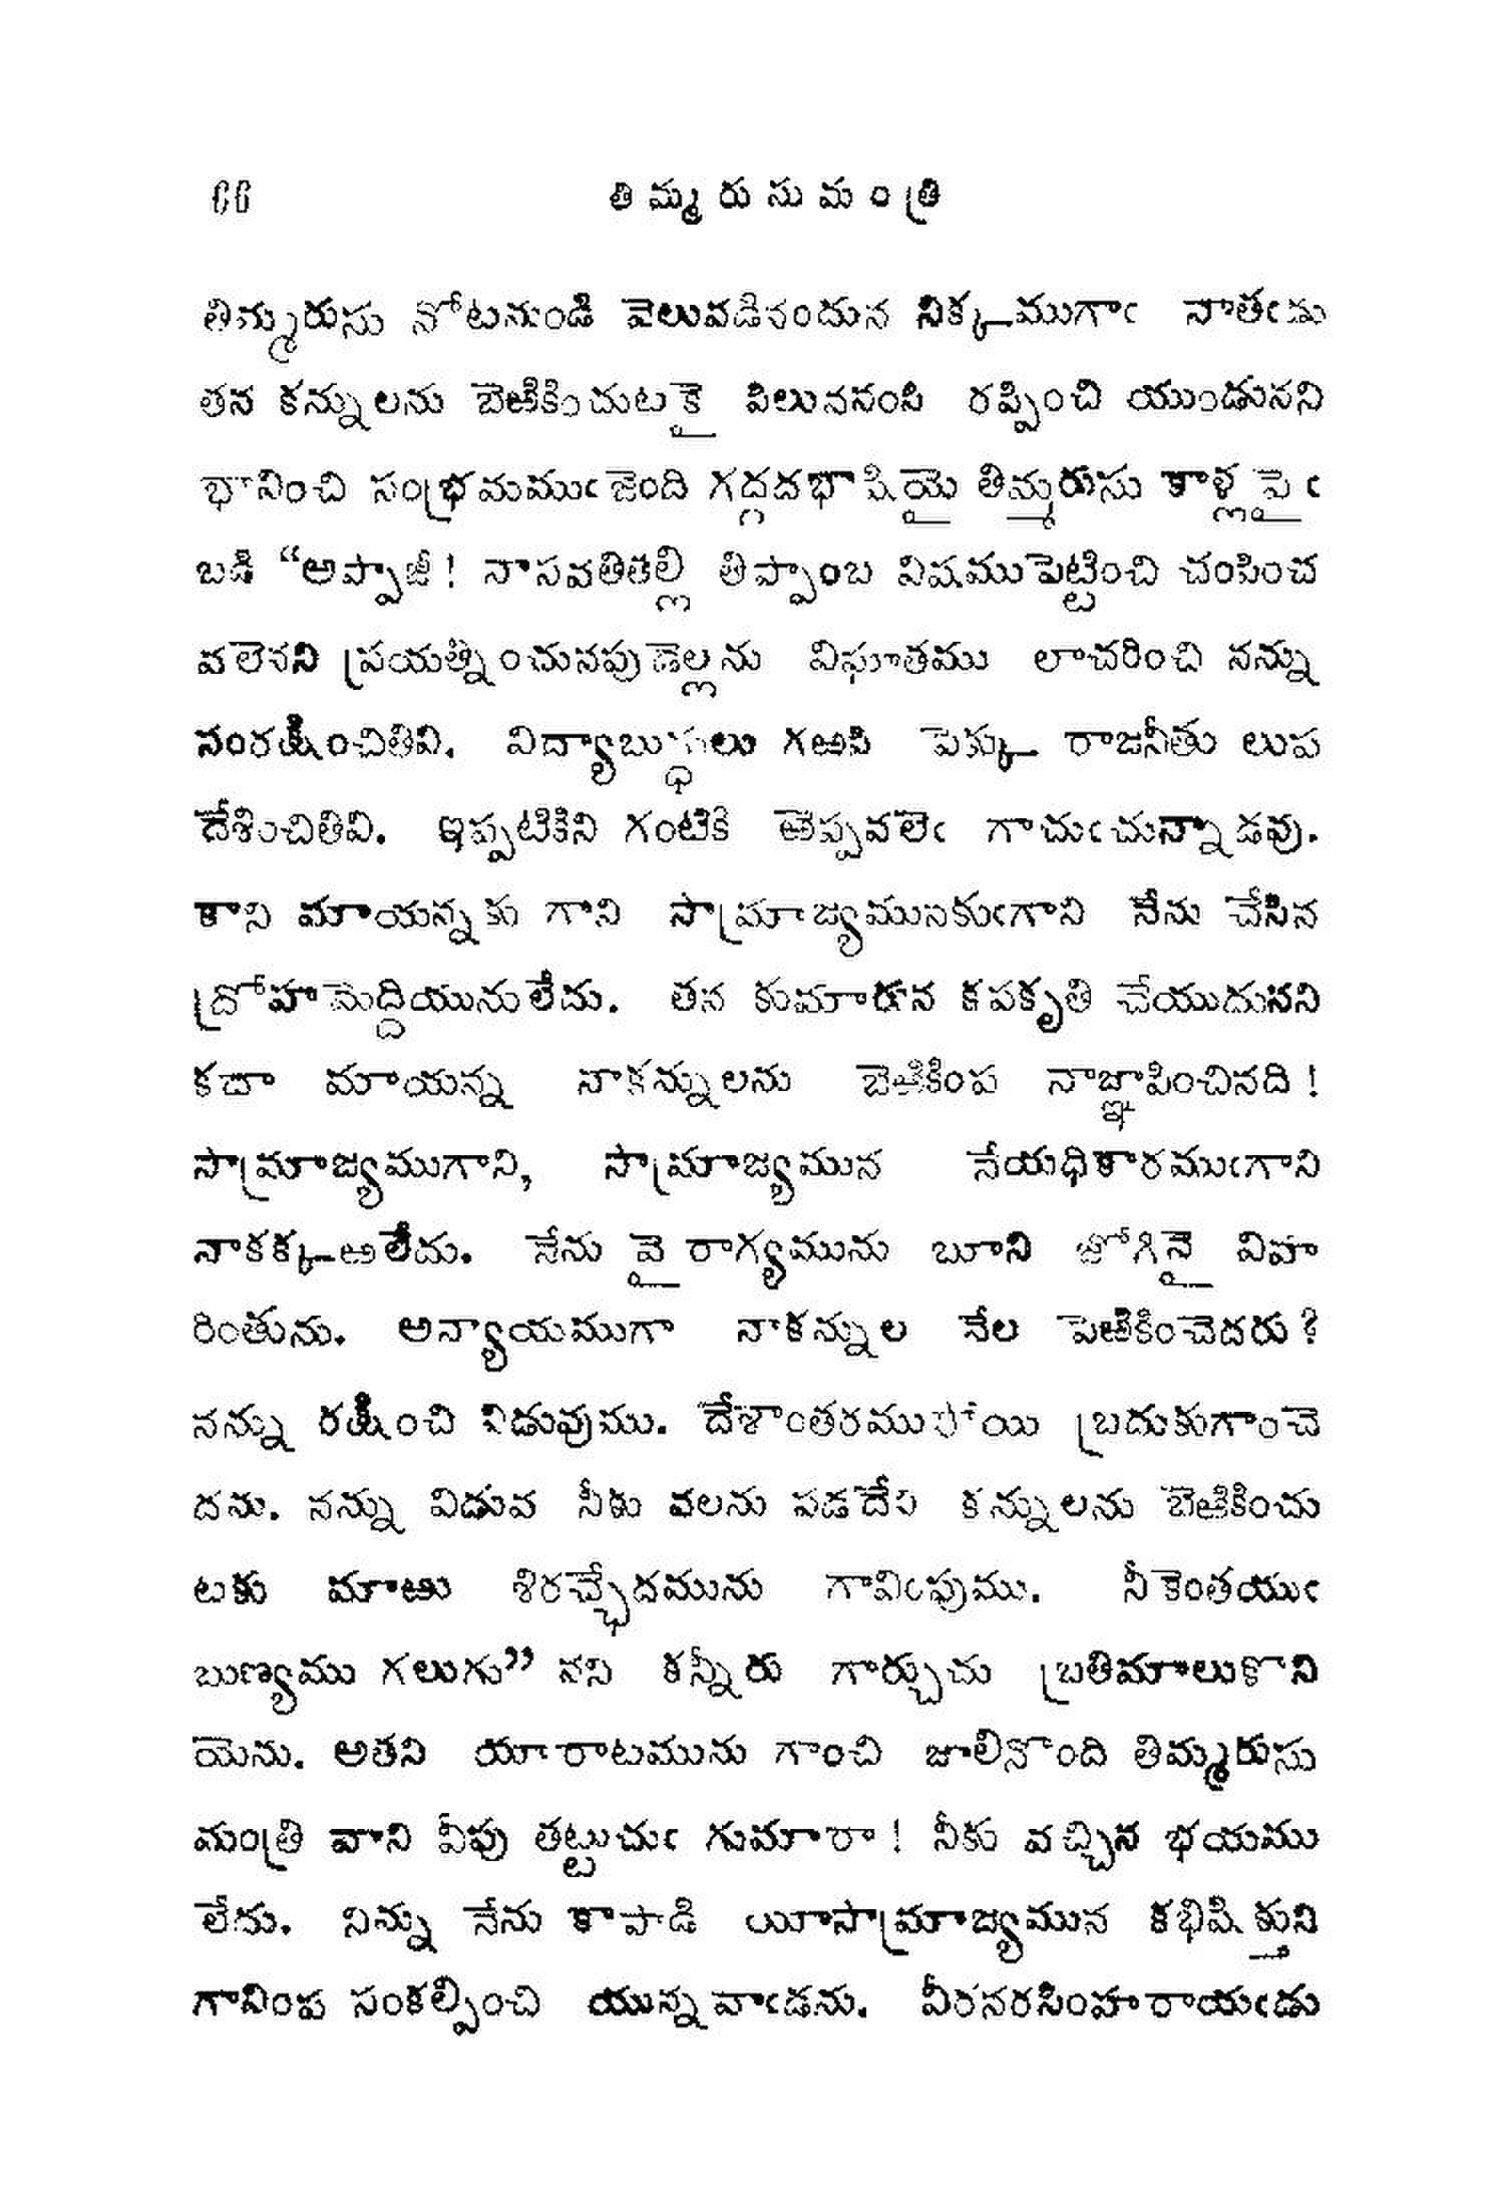తిమ్మరుసు నోటనుండి వెలువడినందున నిక్కముగాఁ నాతఁడు తన కన్నులను బెఱికించుటకై పిలువనంసి రప్పించి యుండునని భావించి సంభ్రమముఁజెంది గద్గదభాషియై తిమ్మరుసు కాళ్లపైఁ బడి "అప్పాజీ ! నాసవతితల్లి తిప్పాంబ విషముపెట్టించి చంపించవలెనని ప్రయత్నించునపుడెల్లను విఘాతము లాచరించి నన్ను సంరక్షించితివి. విద్యాబుద్ధులు గఱపి పెక్కు రాజనీతు లుపదేశించితివి. ఇప్పటికిని గంటికి ఱెప్పవలెఁ గాచుఁచున్నాడవు. కాని మాయన్నకు గాని సామ్రాజ్యమునకుఁగాని నేను చేసిన ద్రోహమెద్దియునులేదు. తన కుమారున కపకృతి చేయుదునని కదా మాయన్న నాకన్నులను బెఱికింప నాజ్ఞాపించినది ! సామ్రాజ్యముగాని, సామ్రాజ్యమున నేయధికారముఁగాని నాకక్కఱలేదు. నేను వైరాగ్యమును బూని జోగినై విహరింతును. అన్యాయముగా నాకన్నుల నేల పెఱికించెదరు? నన్ను రక్షించి విడువుము. దేశాంతరముపోయి బ్రదుకుగాంచెదను. నన్ను విడువ నీకు వలను పడదేని కన్నులను బెఱికించుటకు మాఱు శిరచ్చేదమును గావింపుము. నీకెంతయుఁ బుణ్యము గలుగు” నని కన్నీరు గార్చుచు బ్రతిమాలుకొనియెను. అతని యారాటమును గాంచి జూలినొంది తిమ్మరుసుమంత్రి వాని వీపు తట్టుచుఁ గుమారా ! నీకు వచ్చిన భయములేదు. నిన్ను నేను కాపాడి యీసామ్రాజ్యమున కభిషిక్తుని గావింప సంకల్పించి యున్నవాడను. వీరనరసింహరాయఁడు